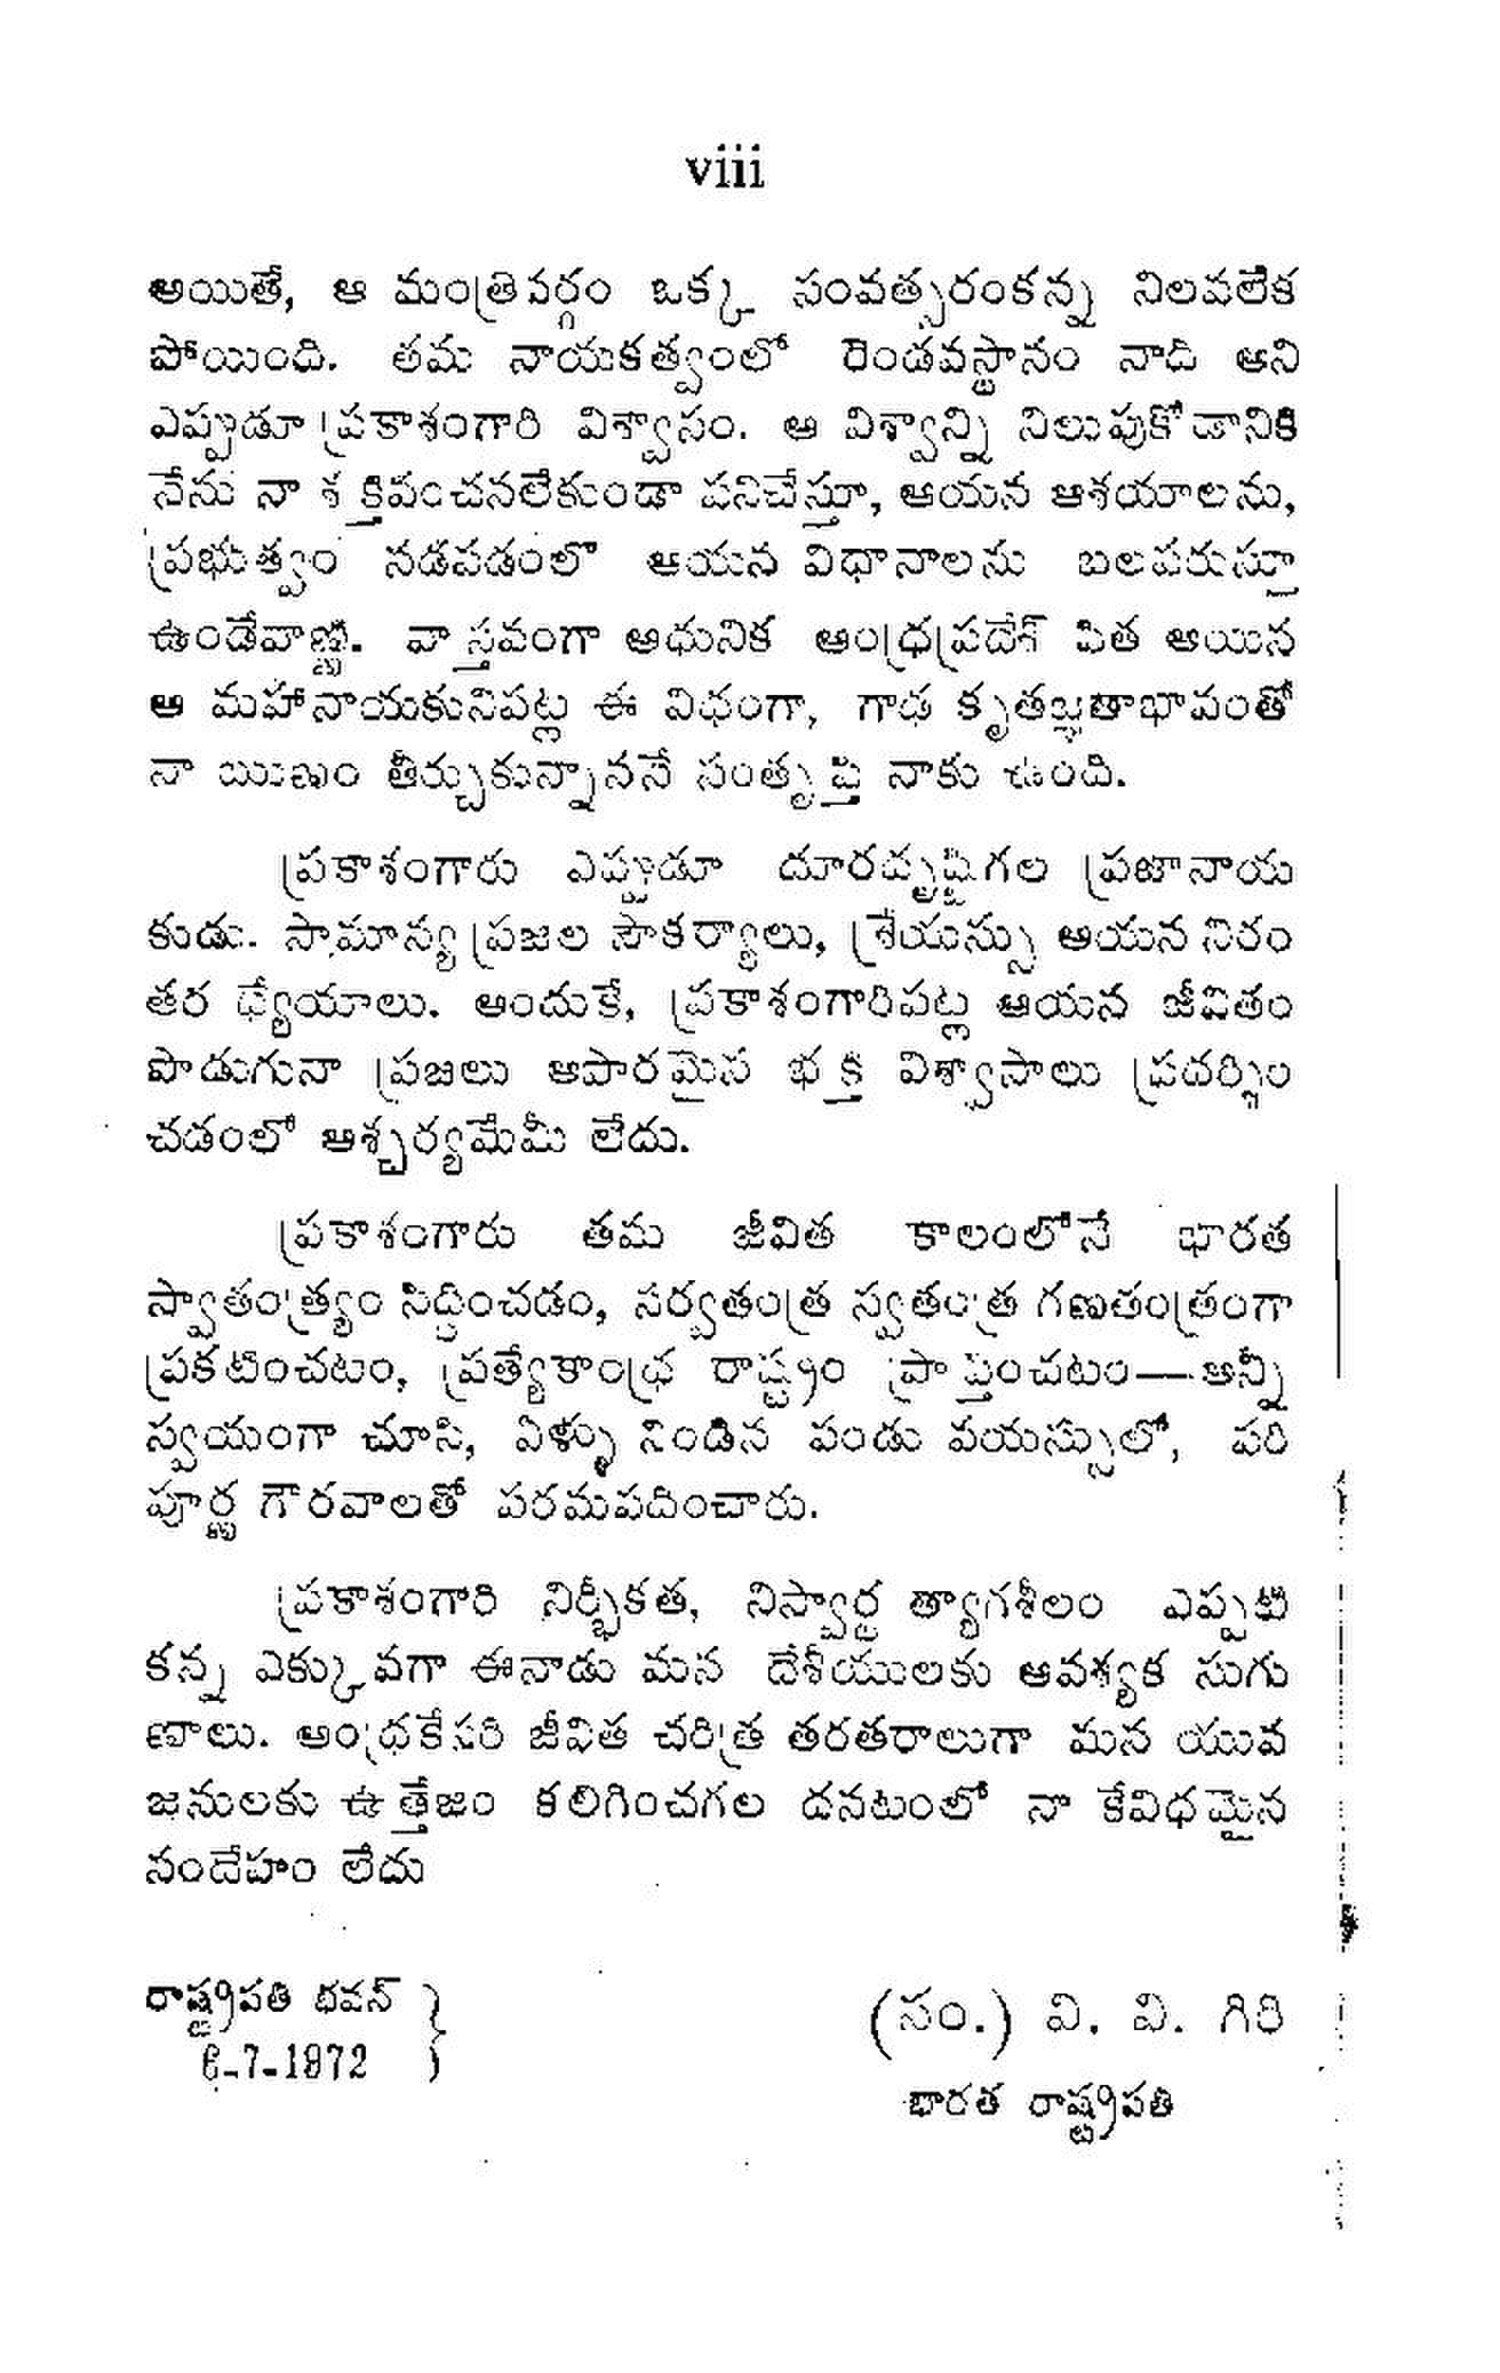అయితే, ఆ మంత్రివర్గం ఒక్క సంవత్సరంకన్న నిలవలేక పోయింది. తమ నాయకత్వంలో రెండవస్థానం నాది అని ఎప్పుడూ ప్రకాశంగారి విశ్వాసం. అ విశ్వాన్ని నిలుపుకోవడానికి నేను నా శక్తివంచన లేకుండా పనిచేస్తూ, ఆయన ఆశయాలను, ప్రభుత్వం నడపడంలో ఆయన విథానాలను బలపరుస్తూ ఉండేవాణ్ణి. వాస్తవంగా ఆధునిక ఆంధ్రప్రదేశ్ పిత అయిన ఆ మహానాయకునిపట్ల ఈ విధంగా, గాఢ కృతజ్ఞతాభావంతో నా ఋణం తీర్చుకున్నాననే సంతృప్తి నాకు ఉంది.

ప్రకాశంగారు ఎప్పుడూ దూరదృష్టిగల ప్రజానాయకుడు. సామాన్య ప్రజల సౌకర్యాలు, శ్రేయస్సు ఆయన నిరంతర ధ్యేయాలు. అందుకే, ప్రకాశంగారిపట్ల ఆయన జీవితం పొడుగునా ప్రజలు అపారమైన భక్తి విశ్వాసాలు ప్రదర్శించడంలో ఆశ్చర్యమేమి లేదు.

ప్రకాశంగారు తమ జీవిత కాలంలోనే భారత స్వాతంత్ర్యం సిద్ధించడం, సర్వతంత్ర స్వతంత్ర గణతంత్రంగా ప్రకటించటం, ప్రత్యేకాంధ్ర రాష్ట్రం ప్రాప్తించటం-అన్నీ స్వయంగా చూసి, ఏళ్ళు నిండిన పండు వయస్సులో , పరిపూర్ణ గౌరవాలతో పరమపదించారు.

ప్రకాశంగారి నిర్భీకత, నిస్వార్థ త్యాగశీలం ఎప్పటికన్న ఎక్కువగా ఈనాడు మన దేశీయులకు అవశ్యక సుగుణాలు. ఆంధ్రకేసరి జీవిత చరిత్ర తరతరాలుగా మన యువజనులకు ఉత్తేజం కలిగించగల దనటంలో నా కేవిధమైన సందేహం లేదు.

 రాష్ట్రపతి భవన్ 6-7-1972(సం) వి. వి. గిరి భారత రాష్ట్రపతి